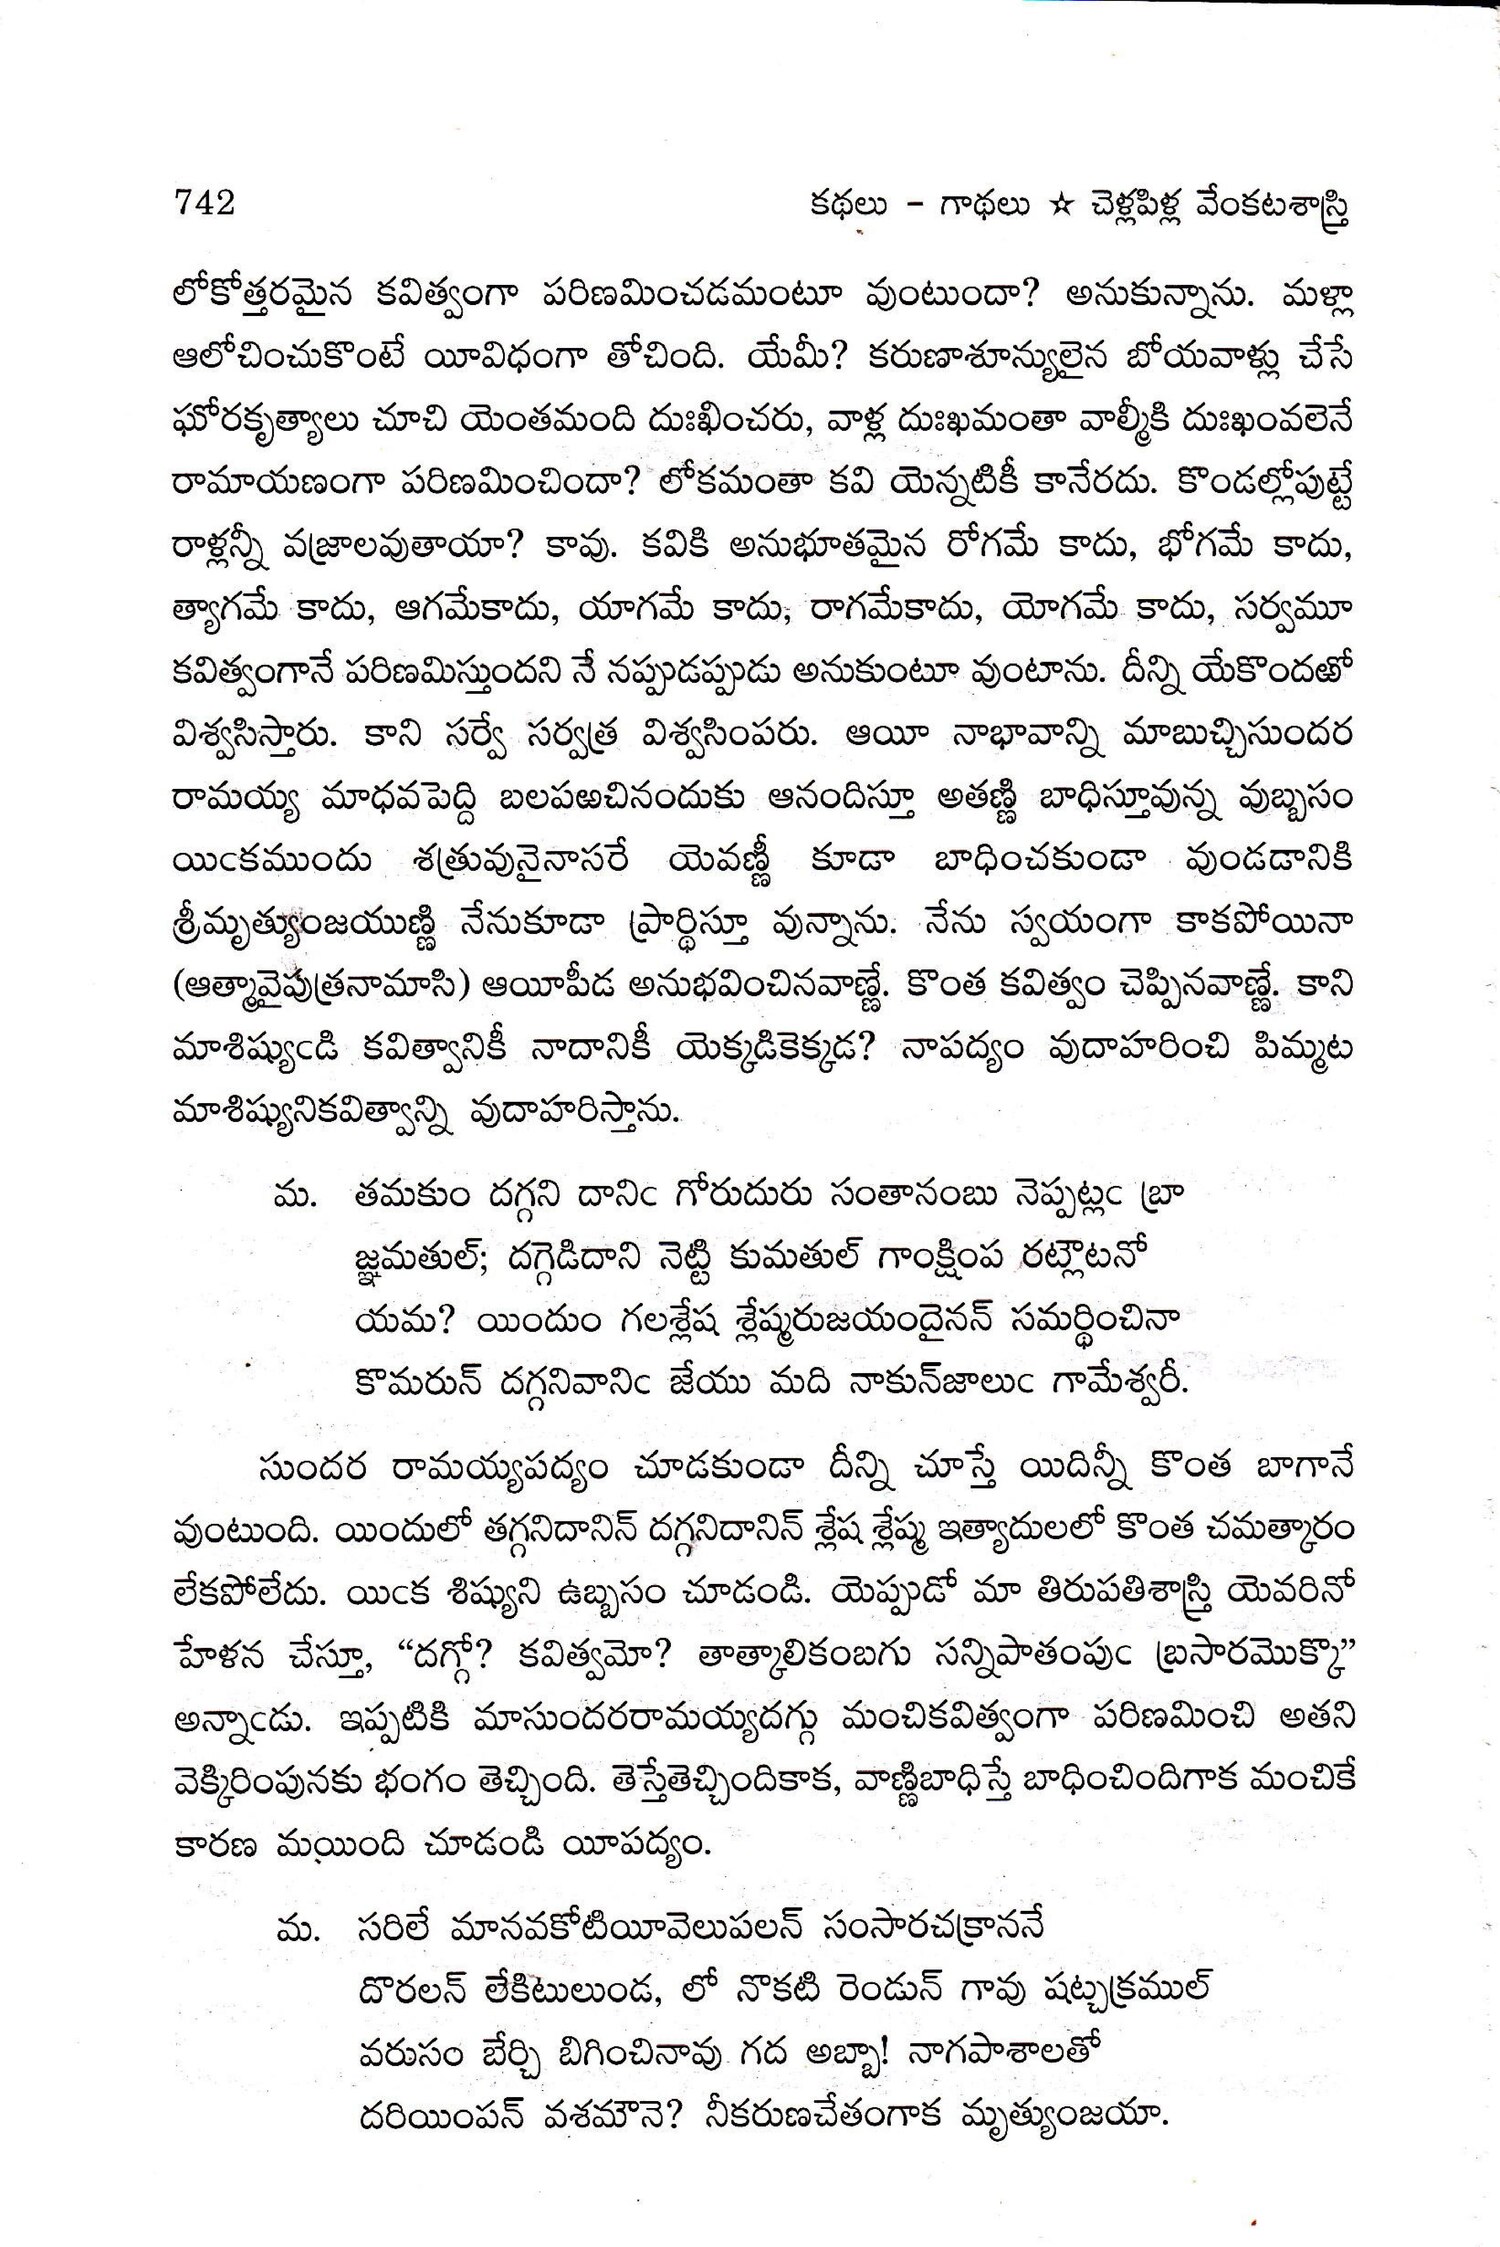లోకోత్తరమైన కవిత్వంగా పరిణమించడమంటూ వుంటుందా? అనుకున్నాను. మళ్లా ఆలోచించుకొంటే యీవిధంగా తోచింది. యేమీ? కరుణాశూన్యులైన బోయవాళ్లు చేసే ఘోరకృత్యాలు చూచి యెంతమంది దుఃఖించరు, వాళ్ల దుఃఖమంతా వాల్మీకి దుఃఖంవలెనే రామాయణంగా పరిణమించిందా? లోకమంతా కవి యెన్నటికీ కానేరదు. కొండల్లోపుట్టే రాళ్లన్నీ వజ్రాలవుతాయా? కావు. కవికి అనుభూతమైన రోగమే కాదు, భోగమే కాదు, త్యాగమే కాదు, ఆగమేకాదు, యాగమే కాదు, రాగమేకాదు, యోగమే కాదు, సర్వమూ కవిత్వంగానే పరిణమిస్తుందని నేనప్పుడప్పుడు అనుకుంటూ వుంటాను. దీన్నియేకొందఱో విశ్వసిస్తారు. కాని సర్వే సర్వత్ర విశ్వసింపరు. ఆయీ నాభావాన్ని మాబుచ్చిసుందరరామయ్య మాధవపెద్ది బలపఱచినందుకు ఆనందిస్తూ అతణ్ణి బాధిస్తూవున్న వుబ్బసం యిఁకముందు శత్రువునైనాసరే యెవణ్ణీ కూడా బాధించకుండా వుండడానికి శ్రీమృత్యుంజయుణ్ణి నేనుకూడా ప్రార్ధిస్తూ వున్నాను. నేను స్వయంగా కాకపోయినా (ఆత్మావైపుత్రనామాసి) ఆయీపీడ అనుభవించినవాణ్ణే. కొంత కవిత్వం చెప్పినవాణ్ణే. కాని మాశిష్యుఁడి కవిత్వానికీ నాదానికీ యెక్కడికెక్కడ? నాపద్యం వుదాహరించి పిమ్మట మాశిష్యునికవిత్వాన్ని వుదాహరిస్తాను. -

మ. తమకుం దగ్గని దానిఁ గోరుదురు సంతానంబు నెప్పట్లఁ బ్రా
 జ్ఞమతుల్ దగ్గెడిదాని నెట్టి కుమతుల్ గాంక్షింప రట్లౌటనో 
 యమ? యిందుం గలశ్లేష శ్లేష్మరుజయందైనన్ సమర్ధించినా 
 కొమరున్ దగ్గనివానిఁ జేయు మది నాకున్‌జాలుఁ గామేశ్వరీ.
సుందర రామయ్యపద్యం చూడకుండా దీన్ని చూస్తే యిదిన్నీ కొంత బాగానే వుంటుంది. యిందులో తగ్గనిదానిన్ దగ్గనిదానిన్ శ్లేష శ్లేష్మ ఇత్యాదులలో కొంత చమత్కారం లేకపోలేదు. యిఁక శిష్యుని ఉబ్బసం చూడండి. యెప్పుడో మా తిరుపతిశాస్త్రి యెవరినో హేళన చేస్తూ, "దగ్గో? కవిత్వమో? తాత్కాలికంబగు సన్నిపాతంపుఁ బ్రసారమొక్కొ" అన్నాఁడు. ఇప్పటికి మాసుందరరామయ్యదగ్గు మంచికవిత్వంగా పరిణమించి అతని వెక్కిరింపునకు భంగం తెచ్చింది. తెస్తేతెచ్చిందికాక, వాణ్ణిబాధిస్తే బాధించిందిగాక మంచికే కారణ మయింది చూడండి యీపద్యం.

మ. సరిలే మానవకోటియీవెలుపలన్ సంసారచక్రాననే 
 దొరలన్ లేకిటులుండ, లో నొకటి రెండున్ గావు షట్చక్రముల్ 
 వరుసం బేర్చి బిగించినావు గద అబ్బా నాగపాశాలతో 
 దరియింపన్ వశమౌనె? నీకరుణచేతంగాక మృత్యుంజయా.